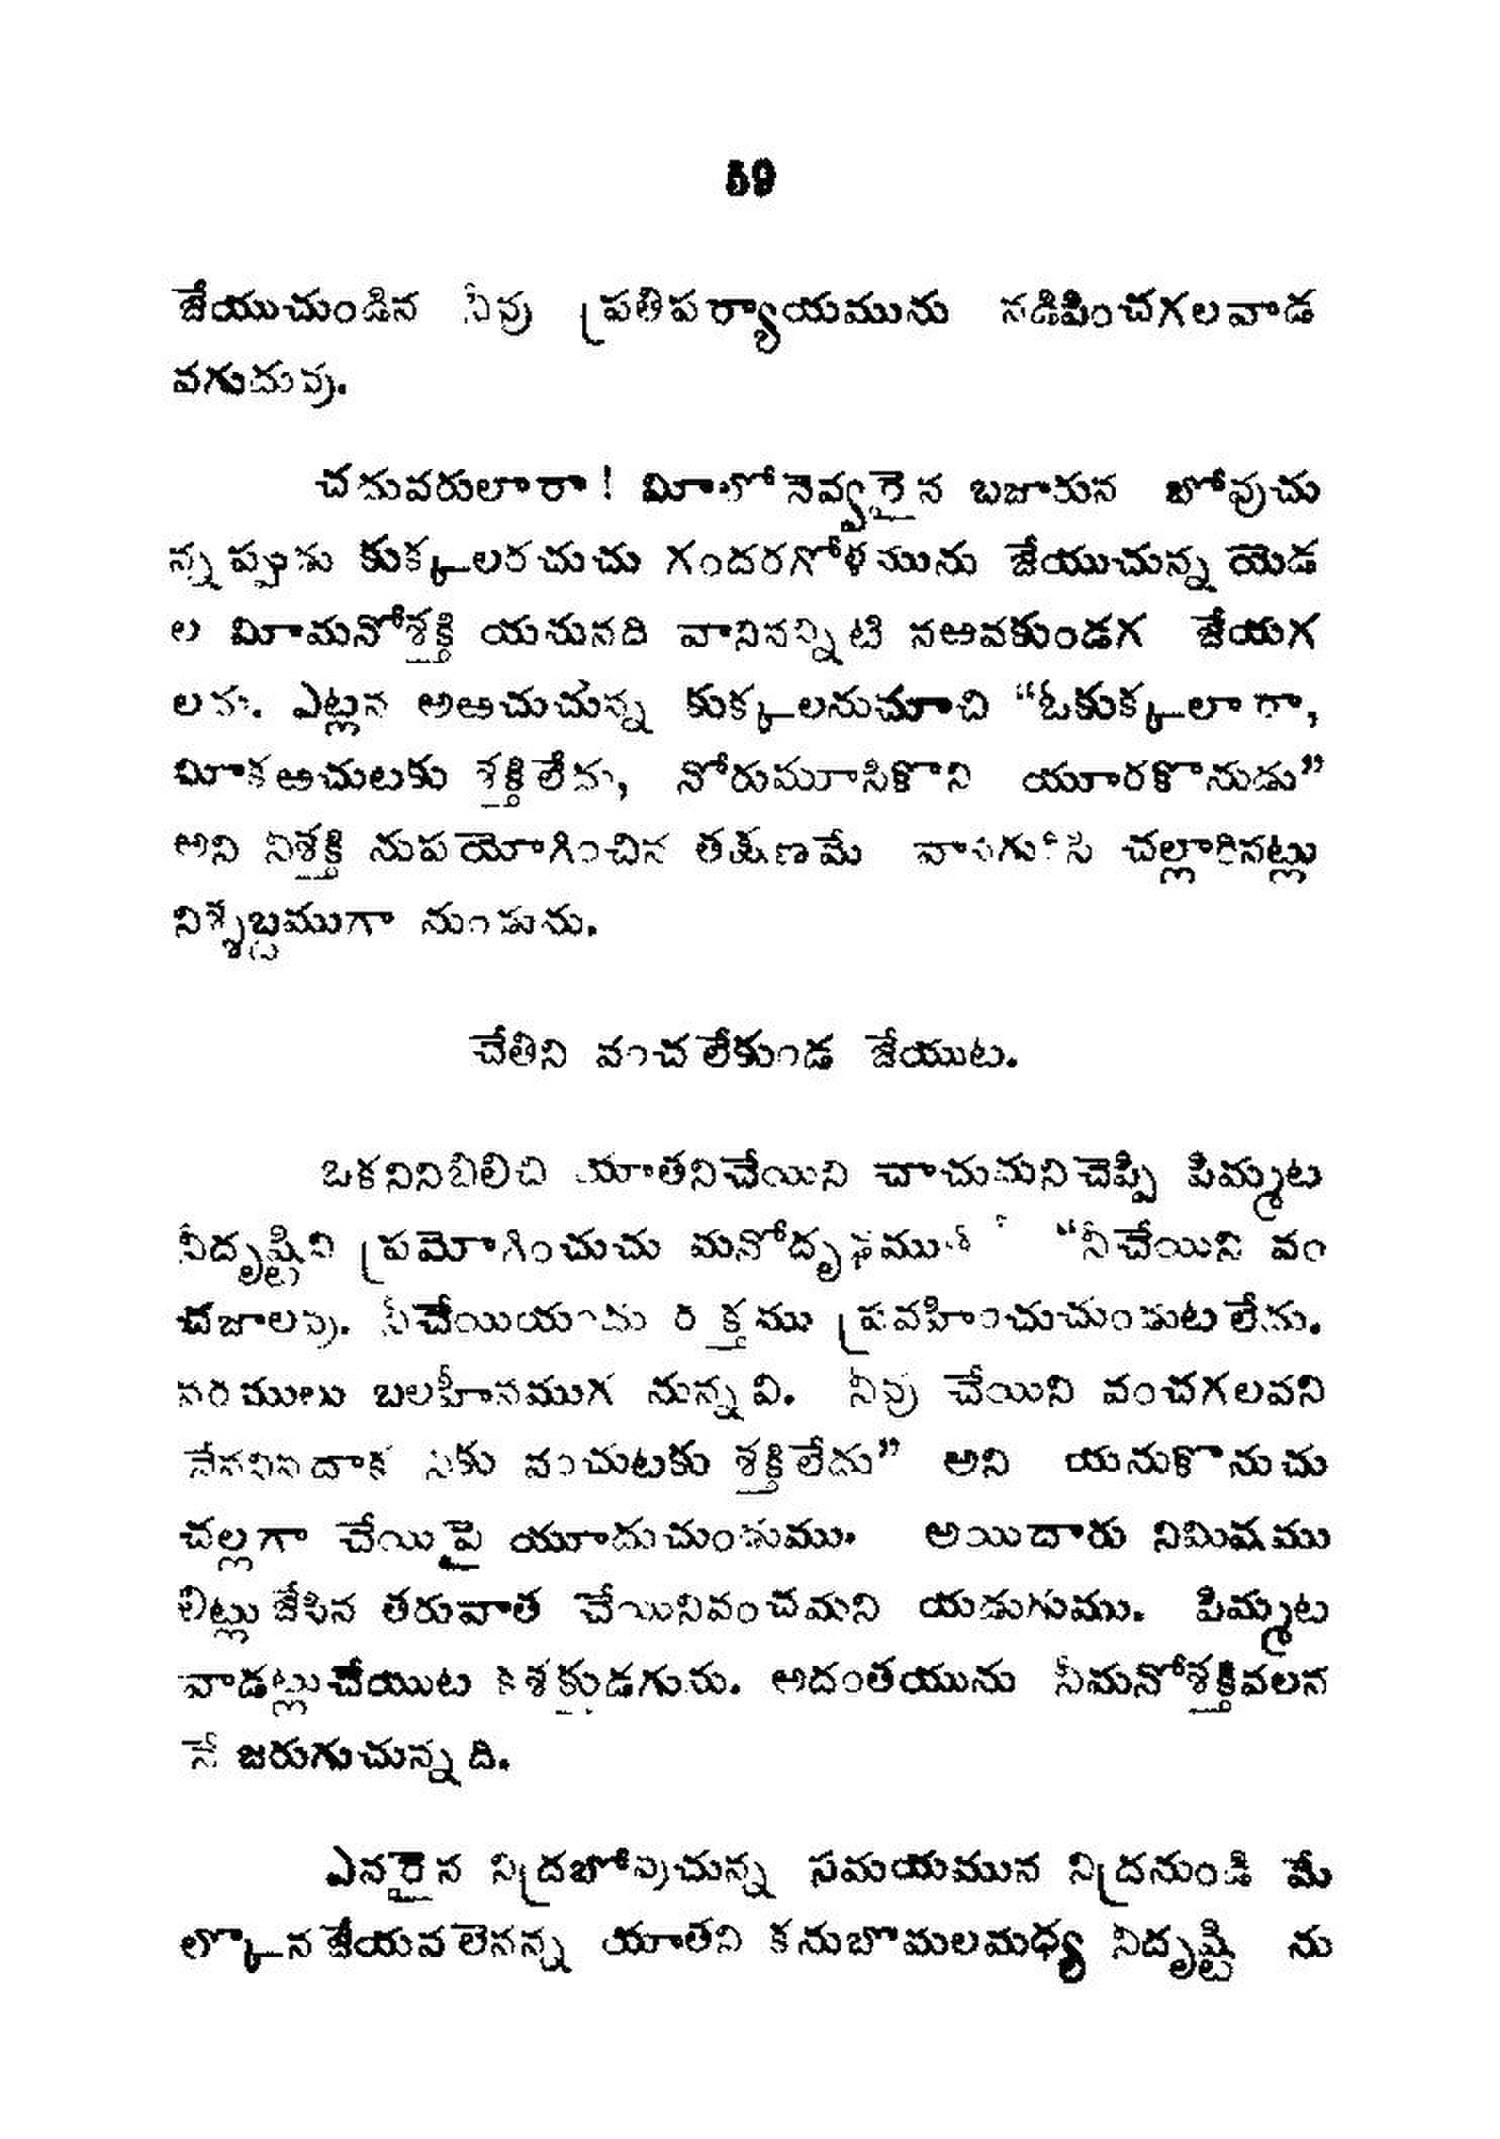జేయుచుండిన నీవు ప్రతిపర్యాయమును నడిపించగలవాడవగుదువు.

చదువరులారా! మీలోనెవ్వరైన బజారున బోవుచున్నప్పుడు కుక్కలరచుచు గందరగోళమును జేయుచున్న యెడల మీమనోశక్తి యనునది వానినన్నిటి నఱవకుండగ జేయగలదు. ఎట్లన అఱచుచున్న కుక్కలనుచూచి “ఓకుక్కలారా, మీకఱచుటకు శక్తిలేదు, నోరుమూసికొని యూరకొనుడు”
అని నీశక్తి నుపయోగించిన తక్షణమే వానగురిసి చల్లారినట్లు నిశ్శబ్దముగా నుండును.

ఒకనినిబిలిచి యాతనిచేయిని చాచుమనిచెప్పి పిమ్మట నీదృష్టిని ప్రయోగించుచు మనోదృఢముతో
“నీచేయిని వంచజాలపు, నీచేయియందు రక్తము ప్రవహించుచుండుట లేదు. నరములు బలహీనముగ నున్నవి. నీవు చేయిని వంచగలవని నేననినదాక నీకు వంచుటకు శక్తిలేదు” అని యనుకొనుచు చల్లగా చేయిపై యూదుచుండుము. అయిదారు నిమిషము లిట్లుజేసిన తరువాత చేయినివంచమని యడుగుము. పిమ్మట వాడట్లుచేయుట కశక్తుడగును. అదంతయును నీమనోశక్తివలననే జరుగుచున్నది.

ఎవరైన నిద్రబోపుచున్న సమయమున నిద్రనుండి మేల్కొన జేయవలెనన్న యాతని కనుబొమలమధ్య నీదృష్టి ను